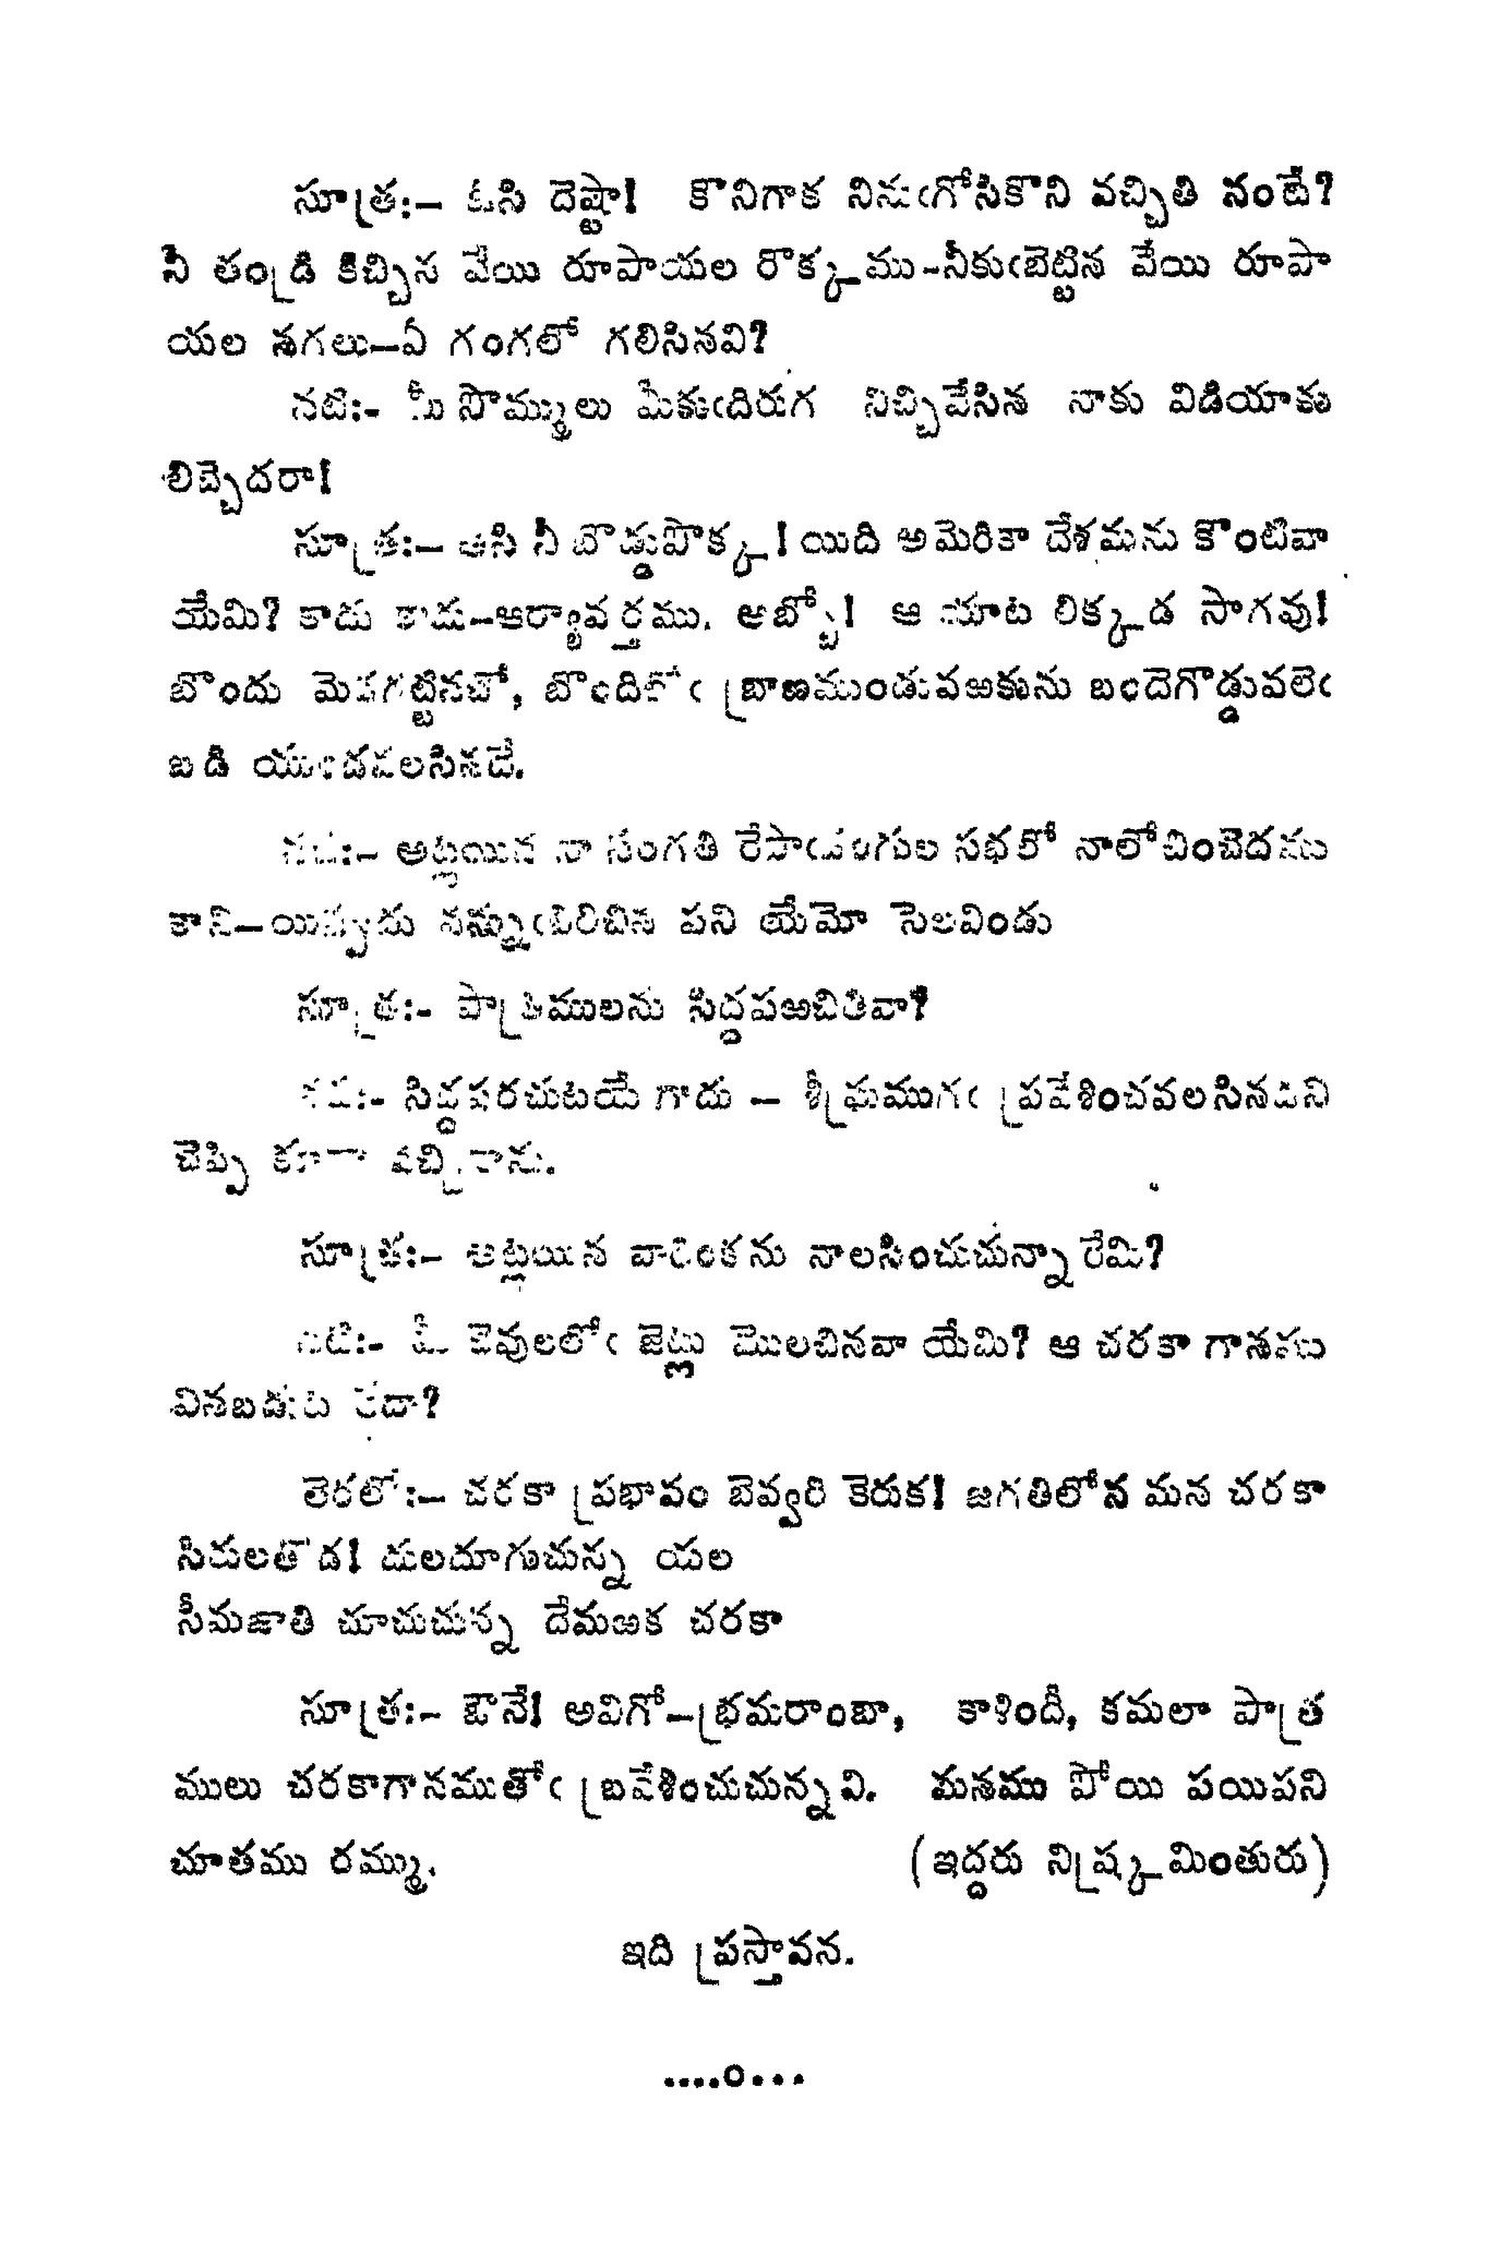సూత్ర:- ఓసి దెష్టా! కొనిగాక నినుఁగోసికొని వచ్చితి నంటే? నీ తండ్రి కిచ్చిన వేయి రూపాయల రొక్కము - నీకుఁబెట్టిన వేయి రూపాయల నగలు - ఏ గంగలోఁ గలిసినవి?

నటి:- మీ సొమ్ములు మీకుఁదిరుగ నిచ్చివేసిన నాకు విడియాకు లిచ్చెదరా?

సూత్ర:- ఆసి నీ బొడ్డుపొక్క! యిది అమెరికా దేశమను కొంటివా యేమి? కాదు కాదు- ఆర్యావర్తము. అబ్బో! ఆ యాట లిక్కడ సాగవు! బొందు మెడఁగట్టినచో, బొందిలోఁ బ్రాణముండువఱకును బందెగొడ్డువలెఁ బడి యుండవలసినదే.

నటి:- అట్లయిన నాసంగతి రేపాఁడంగుల సభలో నాలోచించెదము. కాని- యిప్పుడు నన్నుఁబిలిచిన పని యేమో సెలవిండు.

సూత్ర:- పాత్రములను సిద్ధపఱచితివా?

నటి:- సిద్ధపఱచుటయే గాదు- శీఘ్రముగఁ బ్రవేశింపవలసినదని చెప్పి కూడా వచ్చినాను.

సూత్ర:- అట్లయిన, వారింకను నాలసించుచున్నారేమి?

నటి:- మీ చెవులలోఁ జెట్లు మొలచినవా యేమి! ఆ చరకాగానము వినబడుట లేదా?

తెరలో:- చరకా ప్రభావం బెవ్వరి కెఱుక! జగతిలోన మన చరకా 

సిరులతోడఁ దులఁదూగుచున్న యల-

సీమజాతి చూచుచున్న దేమఱక చరకా

సూత్ర:- ఔనే! అవిగో - భ్రమరాంబా, కాళిందీ, కమలా పాత్రములు చరకాగానముతోఁ బ్రవేశించుచున్నవి. మనము పోయి పయిపని చూతము రమ్ము. (ఇద్దరు నిష్క్రమింతురు)